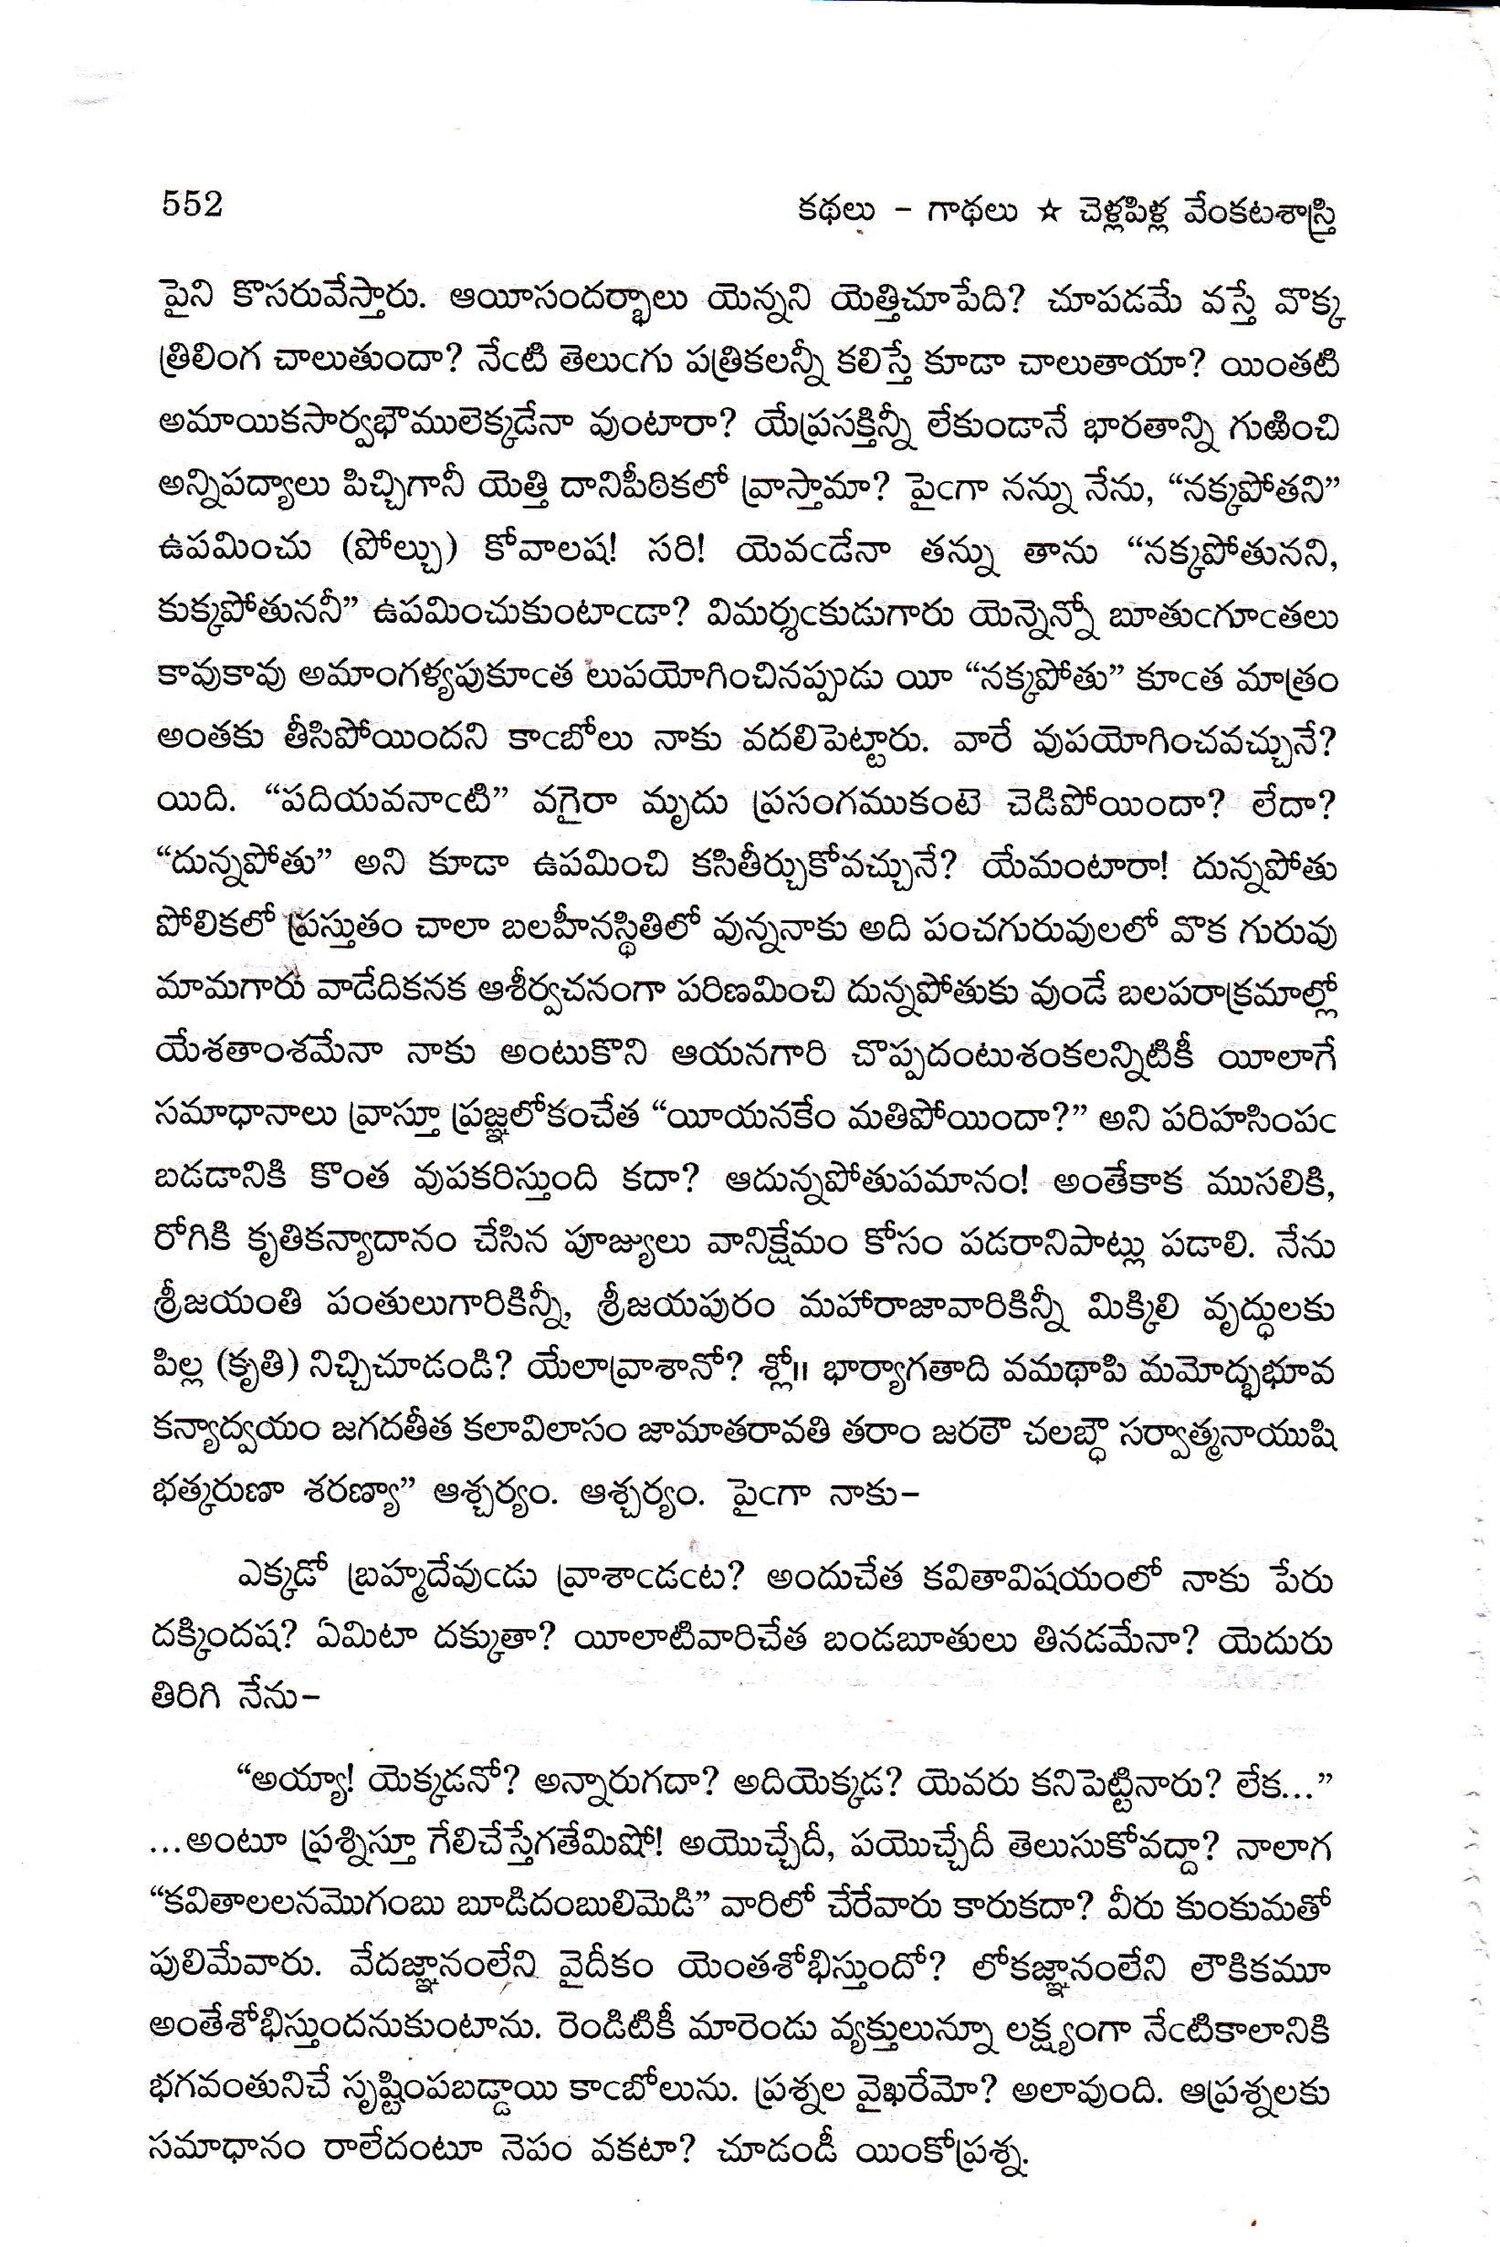పైని కొసరువేస్తారు. ఆయీసందర్భాలు యెన్నని యెత్తిచూపేది? చూపడమే వస్తే వొక్క త్రిలింగ చాలుతుందా? నేఁటి తెలుఁగు పత్రికలన్నీ కలిస్తే కూడా చాలుతాయా? యింతటి అమాయికసార్వభౌములెక్కడేనా వుంటారా? యేప్రసక్తిన్నీ లేకుండానే భారతాన్ని గుఱించి అన్నిపద్యాలు పిచ్చిగానీ యెత్తి దానిపీఠికలో వ్రాస్తామా? పైఁగా నన్ను నేను, "నక్కపోతని" ఉపమించు (పోల్చు) కోవాలష! సరి! యెవఁడేనా తన్ను తాను "నక్కపోతునని, కుక్కపోతుననీ" ఉపమించుకుంటాcడా? విమర్శఁకుడుగారు యెన్నెన్నో బూతుఁగూఁతలు కావుకావు అమాంగళ్యపుకూఁత లుపయోగించినప్పుడు యీ "నక్కపోతు" కూఁత మాత్రం అంతకు తీసిపోయిందని కాఁబోలు నాకు వదలిపెట్టారు. వారే వుపయోగించవచ్చునే? యిది. “పదియవనాఁటి" వగైరా మృదు ప్రసంగముకంటె చెడిపోయిందా? లేదా? “దున్నపోతు" అని కూడా ఉపమించి కసితీర్చుకోవచ్చునే? యేమంటారా! దున్నపోతు పోలికలో ప్రస్తుతం చాలా బలహీనస్థితిలో వున్ననాకు అది పంచగురువులలో వొక గురువు మామగారు వాడేదికనక ఆశీర్వచనంగా పరిణమించి దున్నపోతుకు వుండే బలపరాక్రమాల్లో యేశతాంశమేనా నాకు అంటుకొని ఆయనగారి చొప్పదంటుశంకలన్నిటికీ యీలాగే సమాధానాలు వ్రాస్తూ ప్రజ్ఞలోకంచేత “యీయనకేం మతిపోయిందా?” అని పరిహసింపఁ బడడానికి కొంత వుపకరిస్తుంది కదా? ఆదున్నపోతుపమానం! అంతేకాక ముసలికి, రోగికి కృతికన్యాదానం చేసిన పూజ్యులు వానిక్షేమం కోసం పడరానిపాట్లు పడాలి. నేను శ్రీజయంతి పంతులుగారికిన్నీ శ్రీజయపురం మహారాజావారికిన్నీ మిక్కిలి వృద్దులకు పిల్ల (కృతి) నిచ్చిచూడండి? యేలావ్రాశానో? శ్లో భార్యాగతాది వమథాపి మమోద్భభూవ కన్యాద్వయం జగదతీత కలావిలాసం జామాతరావతి తరాం జరఠౌ చలబ్ధౌ సర్వాత్మనాయుషి భత్కరుణా శరణ్యా" ఆశ్చర్యం. ఆశ్చర్యం. పైఁగా నాకు-

ఎక్కడో బ్రహ్మదేవుఁడు వ్రాశాఁడఁట? అందుచేత కవితావిషయంలో నాకు పేరు దక్కిందష? ఏమిటా దక్కుతా? యీలాటివారిచేత బండబూతులు తినడమేనా? యెదురు తిరిగి నేను-

"అయ్యా! యెక్కడనో? అన్నారుగదా? అదియెక్కడ? యెవరు కనిపెట్టినారు? లేక." ...అంటూ ప్రశ్నిస్తూ గేలిచేస్తేగతేమిషో! అయొచ్చేదీ, పయొచ్చేదీ తెలుసుకోవద్దా? నాలాగ “కవితాలలనమొగంబు బూడిదంబులిమెడి" వారిలో చేరేవారు కారుకదా? వీరు కుంకుమతో పులిమేవారు. వేదజ్ఞానంలేని వైదీకం యెంతశోభిస్తుందో? లోకజ్ఞానంలేని లౌకికమూ అంతేశోభిస్తుందనుకుంటాను. రెండిటికీ మారెండు వ్యక్తులున్నూ లక్ష్యంగా నేఁటికాలానికి భగవంతునిచే సృష్టింపబడ్డాయి కాఁబోలును. ప్రశ్నల వైఖరేమో? అలావుంది. ఆప్రశ్నలకు సమాధానం రాలేదంటూ నెపం వకటా? చూడండీ యింకోప్రశ్న.